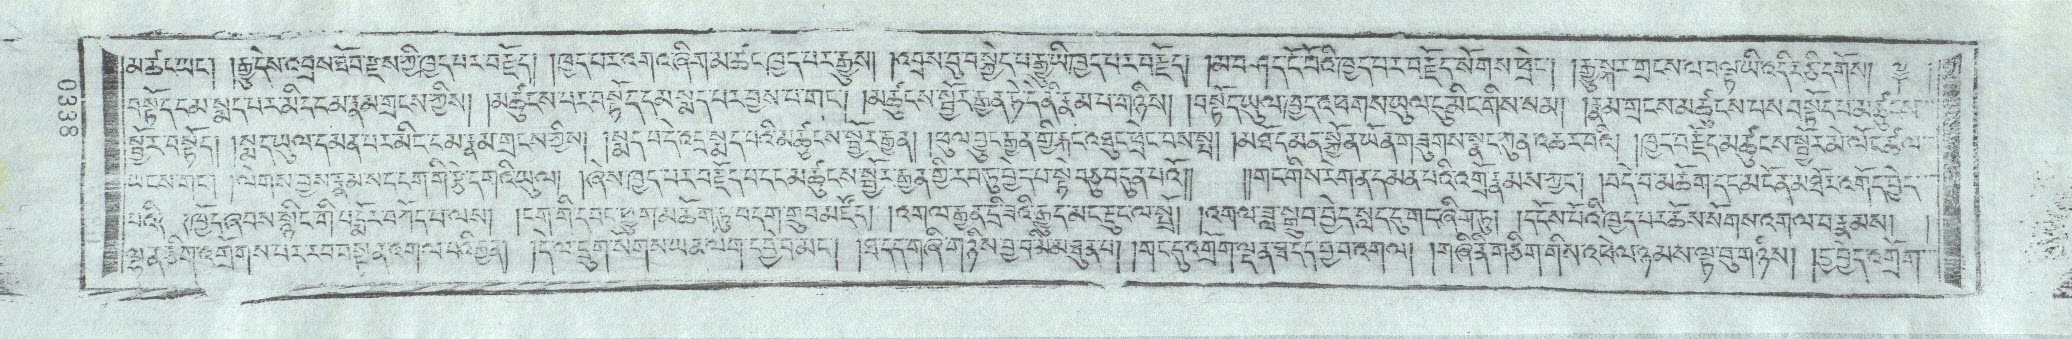མཚང་ཡང་། །རྒྱུ་དེས་འབྲས་ཐོབ་རྫས་ཀྱི་ཁྱད་པར་བརྗོད། །ཁྱད་པར་འགའ་ཞིག་མཚང་ཁྱད་པར་རྒྱུས། །འབྲས་བུ་བསྐྱེད་པ་རྒྱུ་ཡི་ཁྱད་པར་བརྗོད། །མ་བཤད་ངོ་བོའི་ཁྱད་པར་བརྗོད་སོགས་ཕྲེང་། །རྒྱུ་སྐར་གྲངས་ལ་བལྟ་ཡི་འདིར་ཅི་དགོས། ༈ །
བསྟོད་དམ་སྨད་པར་མིང་དམ་རྣམ་གྲངས་ཀྱིས། །མཚུངས་པར་བསྟོད་དམ་སྨད་པར་བྱས་པ་གང་། །མཚུངས་སྦྱོར་རྒྱན་ཏེ་དེ་ནི་རྣ་པ་གཉིས། །བསྟོད་ཡུལ་ཁྱད་འཕགས་ཡུལ་དུ་མིང་གིས་སྨ། །རྣམ་གྲངས་མཚུངས་པས་བསྟོད་པ་མཚུངས་
སྦྱོར་བསྟོད། །སྨད་ཡུལ་དམན་པར་མིང་དམ་རྣམ་གྲངས་ཀྱིས། །སྨད་བདེ་འདྲ་སྨད་པའི་མཚུངས་སྦྱོར་རྒྱན། །ཕུལ་བྱུང་རྒྱན་གྱི་རྐང་འཐུང་ཕྲེང་བས་སྤང་། །མཐོ་དམན་སྐྱོན་ཡོན་གཟུགས་སྣང་ཀུན་འཆར་བའི། །ཁྱད་བརྗོད་མཚུངས་སྦྱོར་མེ་ལོང་ཚལ?
ཡངས་གང་། །ལེགས་བྱས་རྣམ་སད་ངག་གི་རྩེ་དགའི་གུལ?། ཞེས་ཁྱད་པར་བརྗོད་པ་དང་མཚུངས་སྦྱོར་རྒྱན་གྱི་རབ་ཏུ་བྱེད་པ་སྟེ་བཅུ་བདུན་པའོ།། །།གང་གིས་རོག་ན་དམན་པའི་འགྲོ་རྣམས་ཀྱང་། །བདེ་བ་མཆོག་དང་མངོན་མཐོར་འགོད་བྱེད་
པའི། །ཁྱོད་ཞབས་སྙིང་གི་པདམོར་བཀོད་པ་ལས། །ངག་གི་དབང་ཕྱུག་མཆོག་ཏུ་བདག་གྲུབ་མཛོད། །འགལ་རྒྱན་དྲི་ཟའི་རྒྱུད་མང་རྡུང་ལ་སྤྲོ། །འགལ་ཟླ་སྒྲུབ་བྱེད་སླད་དུ་གང་ཞིག་ཏུ། །དངོས་པོའི་ཁྱད་པར་ཆོས་སོགས་འགལ་བ་རྣམས། །
ལྷན་ཅིག་འགྲོགས་པར་ཆབ་བསྟན་འགལ་བའི་རྒྱན། །དེ་ལ་དྲུག་སོགས་ཡན་ལག་དབྱེ་བ་མང་། །ཐ་དད་གཞི་གཉིས་བྱ་བ་མི་མཐུན་པ། །གང་དུ་འགྲོག་ལྡན་ཐ་དད་བྱ་བ་འགལ། །གཞི་ནི་གཅིག་གིས་འཕེལ་ཉམས་ལྟ་བུ་གཉིས། །བྱ་བྱེད་འགྲོག་